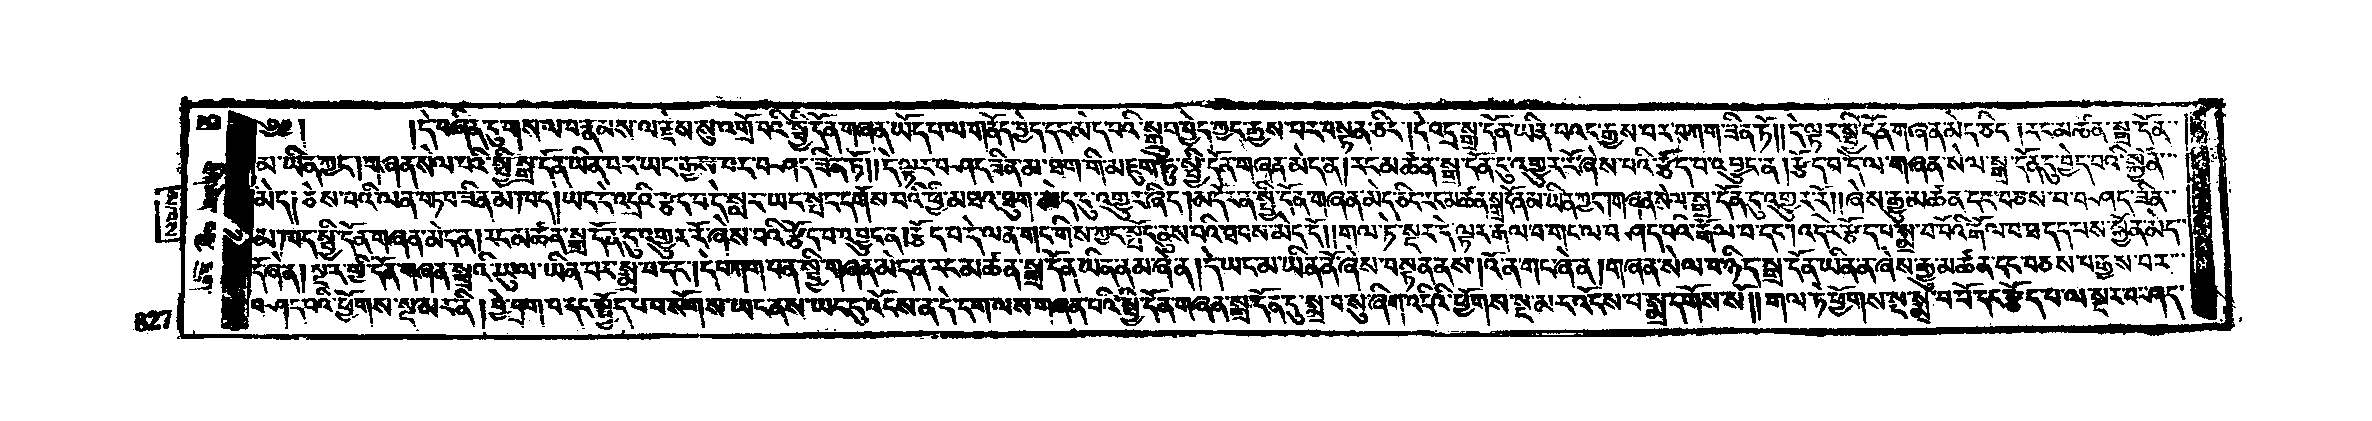༄༅། །དེ་བཞིན་དུ་གསལ་བ་རྣམས་ལ་རྗེས་སུ་འགྲོ་བའི་སྤྱི་དོན་གཞན་ཡོད་པ་ལ་གནོད་བྱེད་དང་མེད་པའི་སྒྲུབ་བྱེད་ཀྱང་རྒྱས་པར་བསྟན་ཅིང་། དེ་འདྲ་སྒྲ་དོན་ཡིན་པའང་རྒྱས་པར་བཀག་ཟིན་ཏོ། །དེ་ལྟར་སྤྱི་དོན་གཞན་མེད་ཅིང་། རང་མཚན་སྒྲ་དོན་
མ་ཡིན་ཀྱང་། གཞན་སེལ་པའི་སྤྱི་སྒྲ་དོན་ཡིན་པར་ཡང་རྒྱས་པར་བཤད་ཟིན་ཏོ། །དེ་ལྟར་བཤད་ཟིན་མ་ཐག་གི་མཇུག་ཏུ་སྤྱི་དོན་གཞན་མེད་ན། རང་མཚན་སྒྲ་དོན་དུ་འགྱུར་རོ་ཞེས་པའི་རྩོད་པ་འབྱུང་ན། རྩོད་པ་དེ་ལ་གཞན་སེལ་སྒྲ་དོན་དུ་བྱེད་པའི་སྐྱོན་
མེད། ཅེས་པའི་ལན་བཏབ་ཟིན་མ་ཁད། ཡང་དེ་འདྲའི་རྩོད་པ་དེ་སླར་ཡང་སྤང་དགོས་པའི་ཕྱི་མཐའ་ཐུག་མེད་དུ་འགྱུར་ཞིང་། མདོར་ན་སྤྱི་དོན་གཞན་མེད་ཅིང་རང་མཚན་སྒྲ་དོན་མ་ཡིན་ཀྱང་། གཞན་སེལ་སྒྲ་དོན་དུ་འགྱུར་རོ། །ཞེས་རྒྱུ་མཚན་དང་བཅས་པ་བཤད་ཟིན་
མ་ཁད་སྤྱི་དོན་གཞན་མེད་ན། རང་མཚན་སྒྲ་དོན་དུ་འགྱུར་རོ་ཞེས་པའི་རྩོད་པ་འབྱུང་ན། རྩོད་པ་དེ་ལན་གང་གིས་ཀྱང་སྤོང་ནུས་པའི་ཐབས་མེད་དོ། །གལ་ཏེ་སྔར་དེ་ལྟར་རྒལ་བ་གང་ལ་བཤད་པའི་རྒོལ་བ་དང་། འདིར་རྩོད་པ་སྨྲ་བ་པོའི་རྒོལ་བ་ཐ་དད་པས་སྐྱོན་མེད་
དོ་ཞེ་ན། སྔར་གྱི་དོན་གཞན་སྒྲའི་ཡུལ་ཡིན་པར་སྨྲ་བ་དང་། དེ་བཀག་པ་ན་སྤྱི་གཞན་མེད་ན་རང་མཚན་སྒྲ་དོན་ཡིན་ནམ་ཞེ་ན། དེ་ཡང་མ་ཡིན་ནོ་ཞེས་བསྟན་ནས། འོ་ན་གང་ཞེ་ན། གཞན་སེལ་བ་ཉིད་སྒྲ་དོན་ཡིན་ན་ཞེས་རྒྱུ་མཚན་དང་བཅས་པ་རྒྱས་པར་
བཤད་པའི་ཕྱོགས་སྔ་མར་ནི། བྱེ་བྲག་པ་དང་སྤྱོད་པ་པ་སོགས་ཡང་ནས་ཡང་དུ་འོངས་ན་དེ་དག་ལས་གཞན་པའི་སྤྱི་དོན་གཞན་སྒྲ་དོན་དུ་སྨྲ་བ་སུ་ཞིག་འདིའི་ཕྱོགས་སྔ་མར་འོངས་པ་སྨྲ་དགོས་སོ། །གལ་ཏེ་ཕྱོགས་སྔ་སྨྲ་བ་པོ་དང་རྩོད་པ་ལ་སྔར་བཤད་